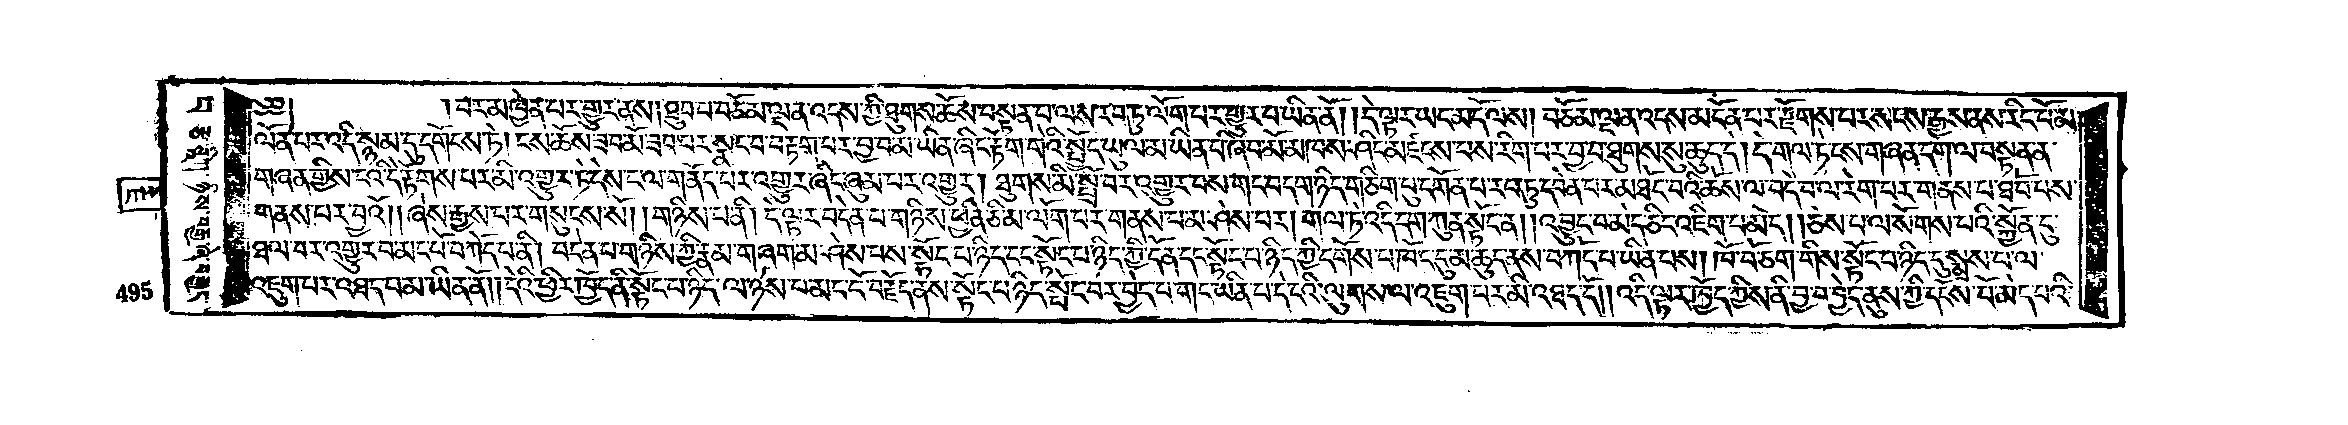༄༅། །བར་མཁྱེན་པར་གྱུར་ནས། ཐུབ་པ་བཅོམ་ལྡན་འདས་ཀྱི་ཐུགས་ཆོས་བསྟན་པ་ལས་རབ་ཏུ་ལོག་པར་གྱུར་པ་ཡིན་ནོ། །དེ་ལྟར་ཡང་མདོ་ལས། བཅོམ་ལྡན་འདས་མངོན་པར་རྫོགས་པར་སངས་རྒྱས་ནས་རིང་པོ་མ་
ལོན་པར་འདི་སྙམ་དུ་དགོངས་ཏེ། ངས་ཆོས་ཟབ་མོ་ཟབ་པར་སྣང་བ་པ་རྟག་པར་བྱ་བ་མ་ཡིན་ཞིང་རྟོག་གེའི་སྤྱོད་ཡུལ་མ་ཡིན་པ་ཞིབ་མོ་མཁས་ཤིང་མཛངས་པས་རིག་པར་བྱ་བ་ཐུགས་སུ་ཆུད་དེ། དེ་གལ་ཏེ་ངས་གཞན་དག་ལ་བསྟན་ན་
གཞན་གྱིས་ངའི་དེ་རྟོགས་པར་མི་འགྱུར་ཏེ་དེས་ང་ལ་གནོད་པར་འགྱུར་ཞིང་ཞུམ་པར་འགྱུར། ཐུགས་མི་སྤྲོ་བར་འགྱུར་བས་གང་བདག་ཉིད་གཅིག་པུ་དགོན་པ་རབ་ཏུ་དབེན་པར་མཐོང་བའི་ཆོས་ལ་བདེ་བ་ལ་རེག་པར་གནས་པ་ཐོབ་པས་
གནས་པར་བྱའོ། །ཞེས་རྒྱས་པར་གསུངས་སོ། །གཉིས་པ་ནི། དེ་ལྟར་བདེན་པ་གཉིས་ཕྱིན་ཅི་མ་ལོག་པར་གནས་པ་མ་ཤེས་པར། གལ་ཏེ་འདི་དག་ཀུན་སྟོང་ན། །འབྱུང་བ་མེད་ཅིང་འཇིག་པ་མེད། །ཅེས་པ་ལ་སོག་པའི་སྐྱོན་དུ་
ཐལ་བར་འགྱུར་བ་མང་པོ་བཀོད་པ་ནི། བདེན་པ་གཉིས་ཀྱི་རྣམ་གཞག་མ་ཤེས་པས་སྟོང་པ་ཉིད་དང་སྟོང་པ་ཉིད་ཀྱི་དོན་དང་སྟོང་པ་ཉིད་ཀྱི་དགོས་པ་ཁོང་དུ་མ་ཆུད་ནས་བཀོད་པ་ཡིན་པས། ཁོ་བོ་ཅག་གིས་སྟོང་པ་ཉིད་དུ་སྨྲས་པ་ལ་
འཇུག་པར་འཐད་པ་མ་ཡིན་ནོ། །དེའི་ཕྱིར་ཁྱོད་ནི་སྟོང་པ་ཉིད་ལ་ཉས་པ་མང་པོ་བརྗོད་ནས་སྟོང་པ་ཉིད་སྤོང་བར་བྱེད་པ་གང་ཡིན་པ་དེ་དེའི་ལུགས་ལ་འཇུག་པར་མི་འཐད་དོ། །འདི་ལྟར་ཁྱོད་ཀྱིས་ནི་བྱ་བ་བྱེད་ནུས་ཀྱི་དངོས་པོ་མེད་པའི་